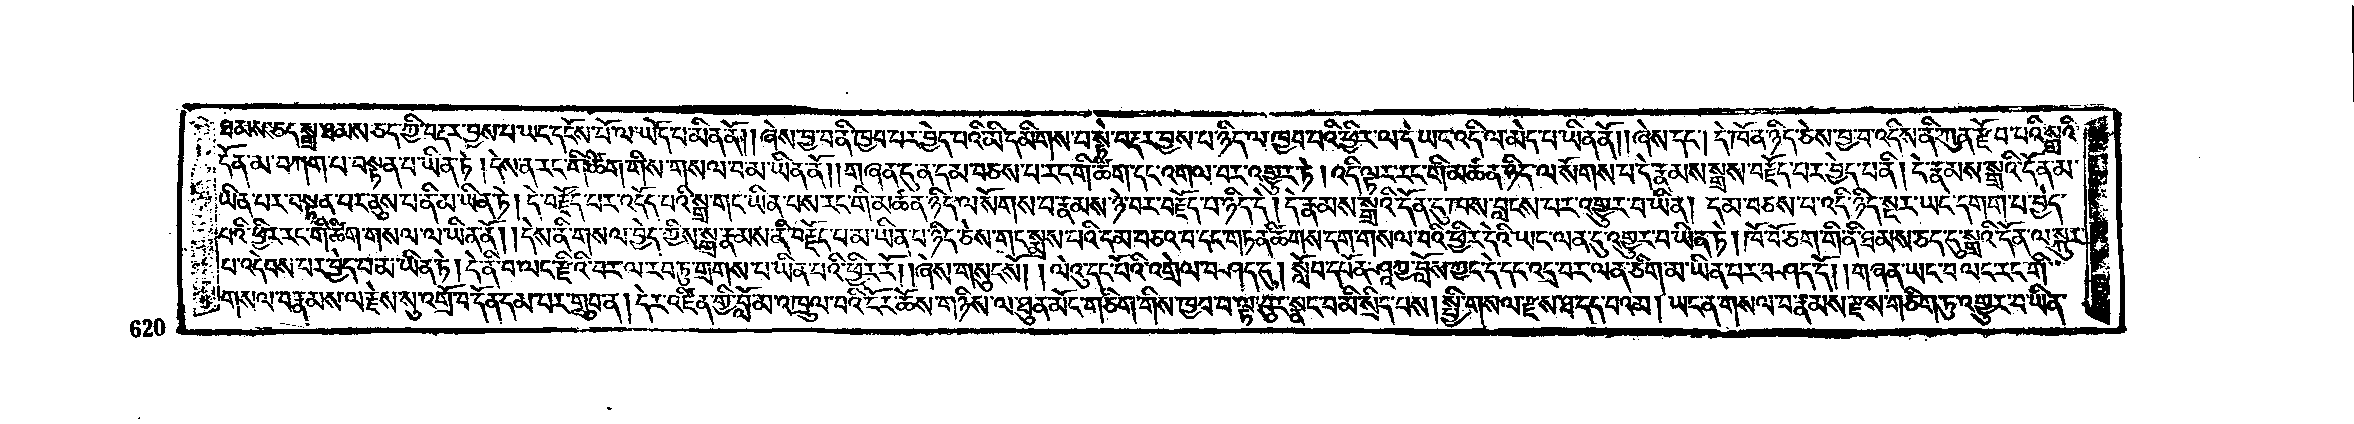ཐམས་ཅད་སྒྲ་ཐམས་ཅད་ཀྱི་བརྡ་བྱས་པ་ཡང་དངོས་པོ་ལ་ཡོད་པ་མིན་ནོ། །ཞེས་བྱ་བ་ནི་ཁྱབ་པར་བྱེད་པའི་མི་དམིགས་པ་སྟེ་བརྡ་བྱས་པ་ཉིད་ལ་ཁྱབ་པའི་ཕྱིར་ལ་དེ་ཡང་འདི་ལ་མེད་པ་ཡིན་ནོ། །ཞེས་དང་། དེ་ཁོ་ན་ཉིད་ཅེས་བྱ་བ་འདིས་ནི་ཀུན་རྫོབ་པའི་སྒྲའི་
དོན་མ་བཀག་པ་བསྟན་པ་ཡིན་ཏེ། དེས་ན་རང་གི་ཚིག་གིས་གསལ་བ་མ་ཡིན་ནོ། །གཞན་དུ་ན་དམ་བཅས་པ་རང་གི་ཚིག་དང་འགལ་བར་འགྱུར་ཏེ། འདི་ལྟར་རང་གི་མཚན་ཉིད་ལ་སོགས་པ་དེ་རྣམས་སྒྲས་བརྗོད་པར་བྱེད་པ་ནི། དེ་རྣམས་སྒྲའི་དོན་མ་
ཡིན་པར་བསྟན་པར་ནུས་པ་ནི་མ་ཡིན་ཏེ། དེ་བརྗོད་པར་འདོད་པའི་སྒྲ་གང་ཡིན་པས་རང་གི་མཚན་ཉིད་ལ་སོགས་པ་རྣམས་ཉེ་བར་བརྗོད་པ་ཉིད་དེ། དེ་རྣམས་སྒྲའི་དོན་དུ་ཁས་བླངས་པར་འགྱུར་བ་ཡིན། དམ་བཅས་པ་འདི་ཉིད་སྔར་ཡང་དགག་པ་བྱེད་
པའི་ཕྱིར་རང་གི་ཚིག་གསལ་ལ་ཡིན་ནོ། དེས་ནི་གསལ་བྱེད་ཀྱིས་སྒྲ་རྣམས་ནི་བརྗོད་པ་མ་ཡིན་ཉིད་ཅེས་གང་སྨྲས་པའི་དམ་བཅའ་བ་དང་གཏན་ཚིགས་དག་གསལ་བའི་ཕྱིར་དེའི་ཡང་ལན་དུ་འགྱུར་བ་ཡིན་ཏེ། ཁོ་བོ་ཅག་གི་ནི་ཐམས་ཅད་དུ་སྒྲའི་དོན་སྐུར་
བ་འདེབས་པར་བྱེད་པ་མ་ཡིན་ཏེ། དེ་ནི་བ་ལང་རྫིའི་བར་ལ་རབ་ཏུ་གྲགས་པ་ཡིན་པའི་ཕྱིར་རོ། །ཞེས་གསུངས་སོ། །ལེའུ་དང་པོའི་འགྲེལ་བཤད་དུ། སློབ་དཔོན་ཤཱཀྱ་བློསྐྱང་དེ་དང་འདྲ་བར་ལན་ཅིག་མ་ཡིན་པར་བཤད་དོ། །གཞན་ཡང་བ་ལང་རང་གི་
གསལ་བ་རྣམས་ལ་རྗེས་སུ་འགྲོ་བ་དོན་དམ་པར་གྲུབ་ན། དེར་འཛིན་གྱི་བློ་མ་འཁྲུལ་བའི་ངོར་ཆོས་གཉིས་ལ་ཐུན་མོང་གཅིག་གིས་ཁྱབ་པ་ལྟ་བུར་སྣང་བ་མི་སྲིད་པས། སྤྱི་གསལ་རྫས་ཐ་དད་པའམ། ཡང་ན་གསལ་བ་རྣམས་རྫས་གཅིག་ཏུ་འགྱུར་བ་ཡིན་